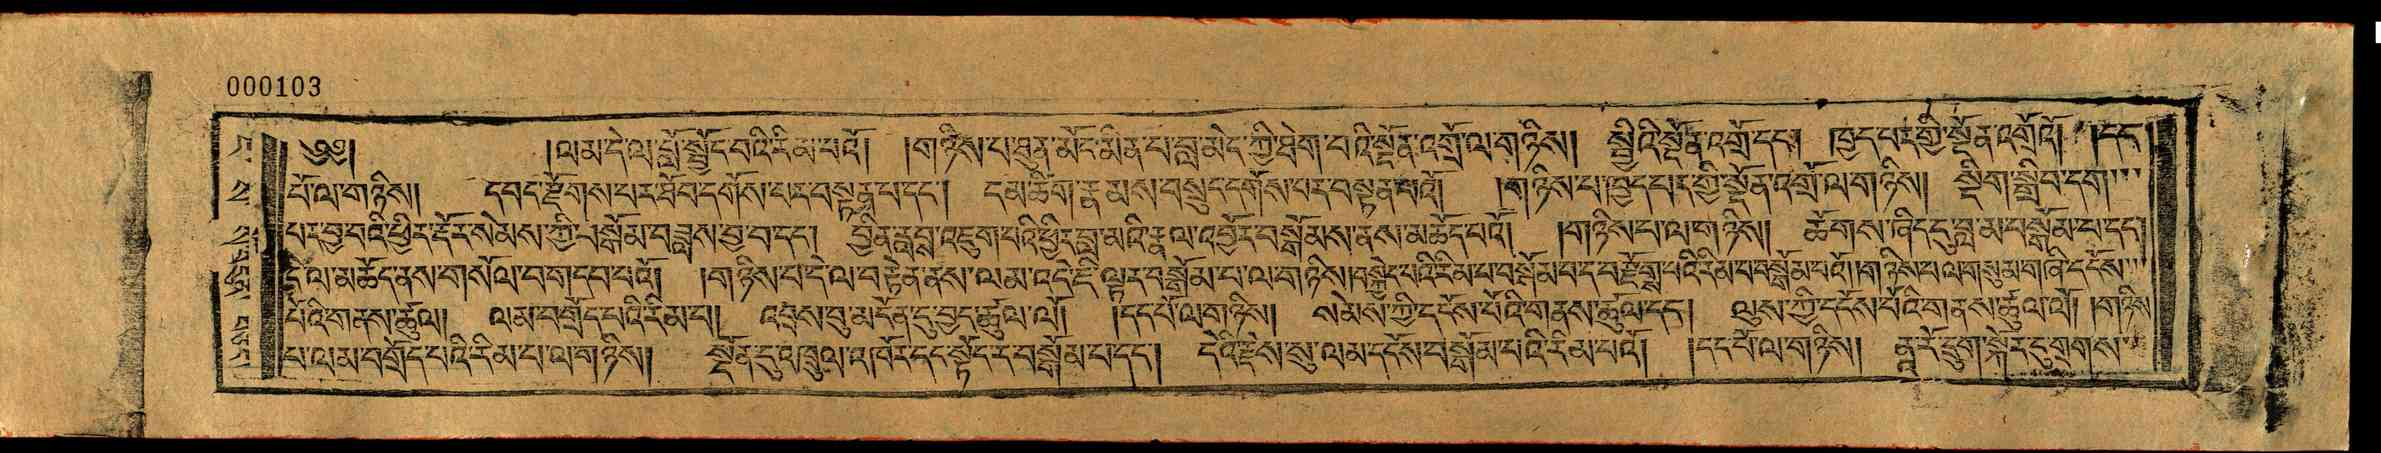༄༅། །ལམ་དེ་ལ་བློ་སྦྱོང་བའི་རིམ་པའོ། །གཉིས་པ་ཐུན་མོང་མིན་པ་བླ་མེད་ཀྱི་ཐེག་པའི་སྔོན་འགྲོ་ལ་གཉིས། སྤྱིའི་སྔོན་འགྲོ་དང་། ཁྱད་པར་གྱི་སྔོན་འགྲོའོ། །དང་
པོ་ལ་གཉིས། དབང་རྫོགས་པར་ཐོབ་དགོས་པར་བསྟན་པ་དང་། དམ་ཚིག་རྣམས་བསྲུང་དགོས་པར་བསྟན་པའོ། །གཉིས་པ་ཁྱད་པར་གྱི་སྔོན་འགྲོ་ལ་གཉིས། སྡིག་སྒྲིབ་དག་
པར་བྱ་བའི་ཕྱིར་རྡོར་སེམས་ཀྱི་བསྒོམ་བཟླས་བྱ་བ་དང་། བྱིན་རླབས་འཇུག་པའི་ཕྱིར་བླ་མའི་རྣལ་འབྱོར་བསྒོམས་ནས་མཆོད་པའོ། །གཉིས་པ་ལ་གཉིས། ཚོགས་ཞིང་དུ་བླ་མ་བསྒོམ་པ་དང་
དེ་ལ་མཆོད་ནས་གསོལ་བ་གདབ་པའོ། །གཉིས་པ་དེ་ལ་བརྟེན་ནས་ལམ་འདི་ཇི་ལྟར་བསྒོམ་པ་ལ་གཉིས་བསྐྱེད་པའི་རིམ་པ་བསྒོམ་པ་དང་། རྫོགས་པའི་རིམ་པ་བསྒོམ་པའོ། །གཉིས་པ་ལ་གསུམ། གཞི་དངོས་
པོའི་གནས་ཚུལ། ལམ་བགྲོད་པའི་རིམ་པ། འབྲས་བུ་མངོན་དུ་བྱ་བ་ཚུལ་ལོ། །དང་པོ་ལ་གཉིས། སེམས་ཀྱི་དངོས་པོའི་གནས་ཚུལ་དང་། ལུས་ཀྱི་དངོས་པོའི་གནས་ཚུལ་ལོ། །གཉིས་
པ་ལམ་བགྲོད་པའི་རིམ་པ་ལ་གཉིས། སྔོན་དུ་འཁྲུལ་འཁོར་དང་སྟོར་ར་བ་སྒོམ་པ་དང་། དེའི་རྗེས་སུ་ལམ་དངོས་བསྒོམ་པའི་རིམ་པའོ། །དང་པོ་ལ་གཉིས། ནཱ་རོ་དྲུག་སྐོར་དུ་གྲགས་